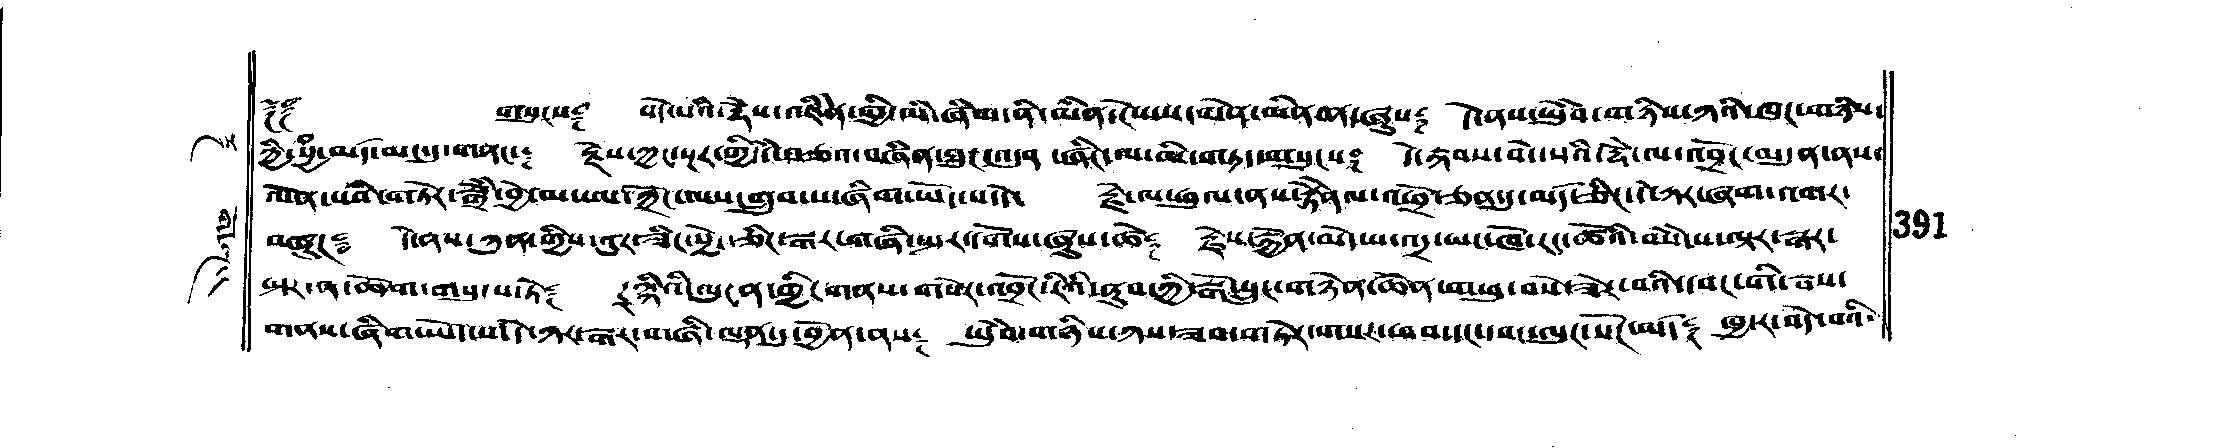གསུངས། བདེ་བའི་རྡོ་རྗེས་འཇིག་རྟེན་གྱི་མི་ཞིག་ནི་མིན་ངེས་པས་མིན་༼བདེན་?༽མིན་ན་ཞུས། དེ་ནས་ཡབ་ཡུམ་གཉིས་ཀའི་ལུགས་གཉིས་
ཀྱི་གསུང་མཛད་མང་དུ་གནང་། རྗེས་ཀྱང་སྔར་གྱི་དམ་བཅའ་བཞིན་ཐུགས་འདུན་ཞིང་ལ་མི་གཏད་གསུངས། དེ་སྐབས་བདེ་བའི་རྡོ་རྗེ་ལ་འབྲོང་མདུན་ནས་
ལེན་པའི་གཏེར་སྒྲོམ་བྱེ་མ་ཨ་ཀྲོང་ལས་གྲུབ་པ་ཞིག་ཡོད་པ་དེ། རྗེ་ལ་ཕུལ་ནས་རྟེན་འབྲེལ་འཕྲོ་ཅན་དུ་མཛད་ཅིང་དེ་ཀར་ཞག་འགར་
བཞུགས། དེ་ནས་ཀུན་གྱིས་འུར་ཟིང་བྱེད་ཅིང་སྒར་གཞིས་སྤར་དགོས་ཞུས་ཚེ། རྗེས་སྐྱོན་མེད་པ་འདྲ་ཡང་ཁོ་རང་ཚོའི་བསམ་པ་ལྟར་སྒར་
སྤར་ན་ཆོག་གསུངས་ཏེ། ཌཱཀྐིའི་ལུང་བསྟན་གྱི་གནས་གསེར་འབྲོང་རིའི་ནུབ་ཀྱི་སྒོ་སྲུང་གཉེན་ཆེན་གཡུ་བསེ་ཟེར་བའི་དབང་གི་སྦས་
གནས་ཞིག་ཡོད་པ་དེ་ཀར་སྒར་གཞིས་ལྡན་དུ་བྱོན་ནས།ཡབ་ཡུམ་གཉིས་ཀས་ཟབ་གཏེར་གསར་ཕབ་དང་དབང་ལུང་སོགས་མཛད། ཁྱད་པར་བདེ་བའི་